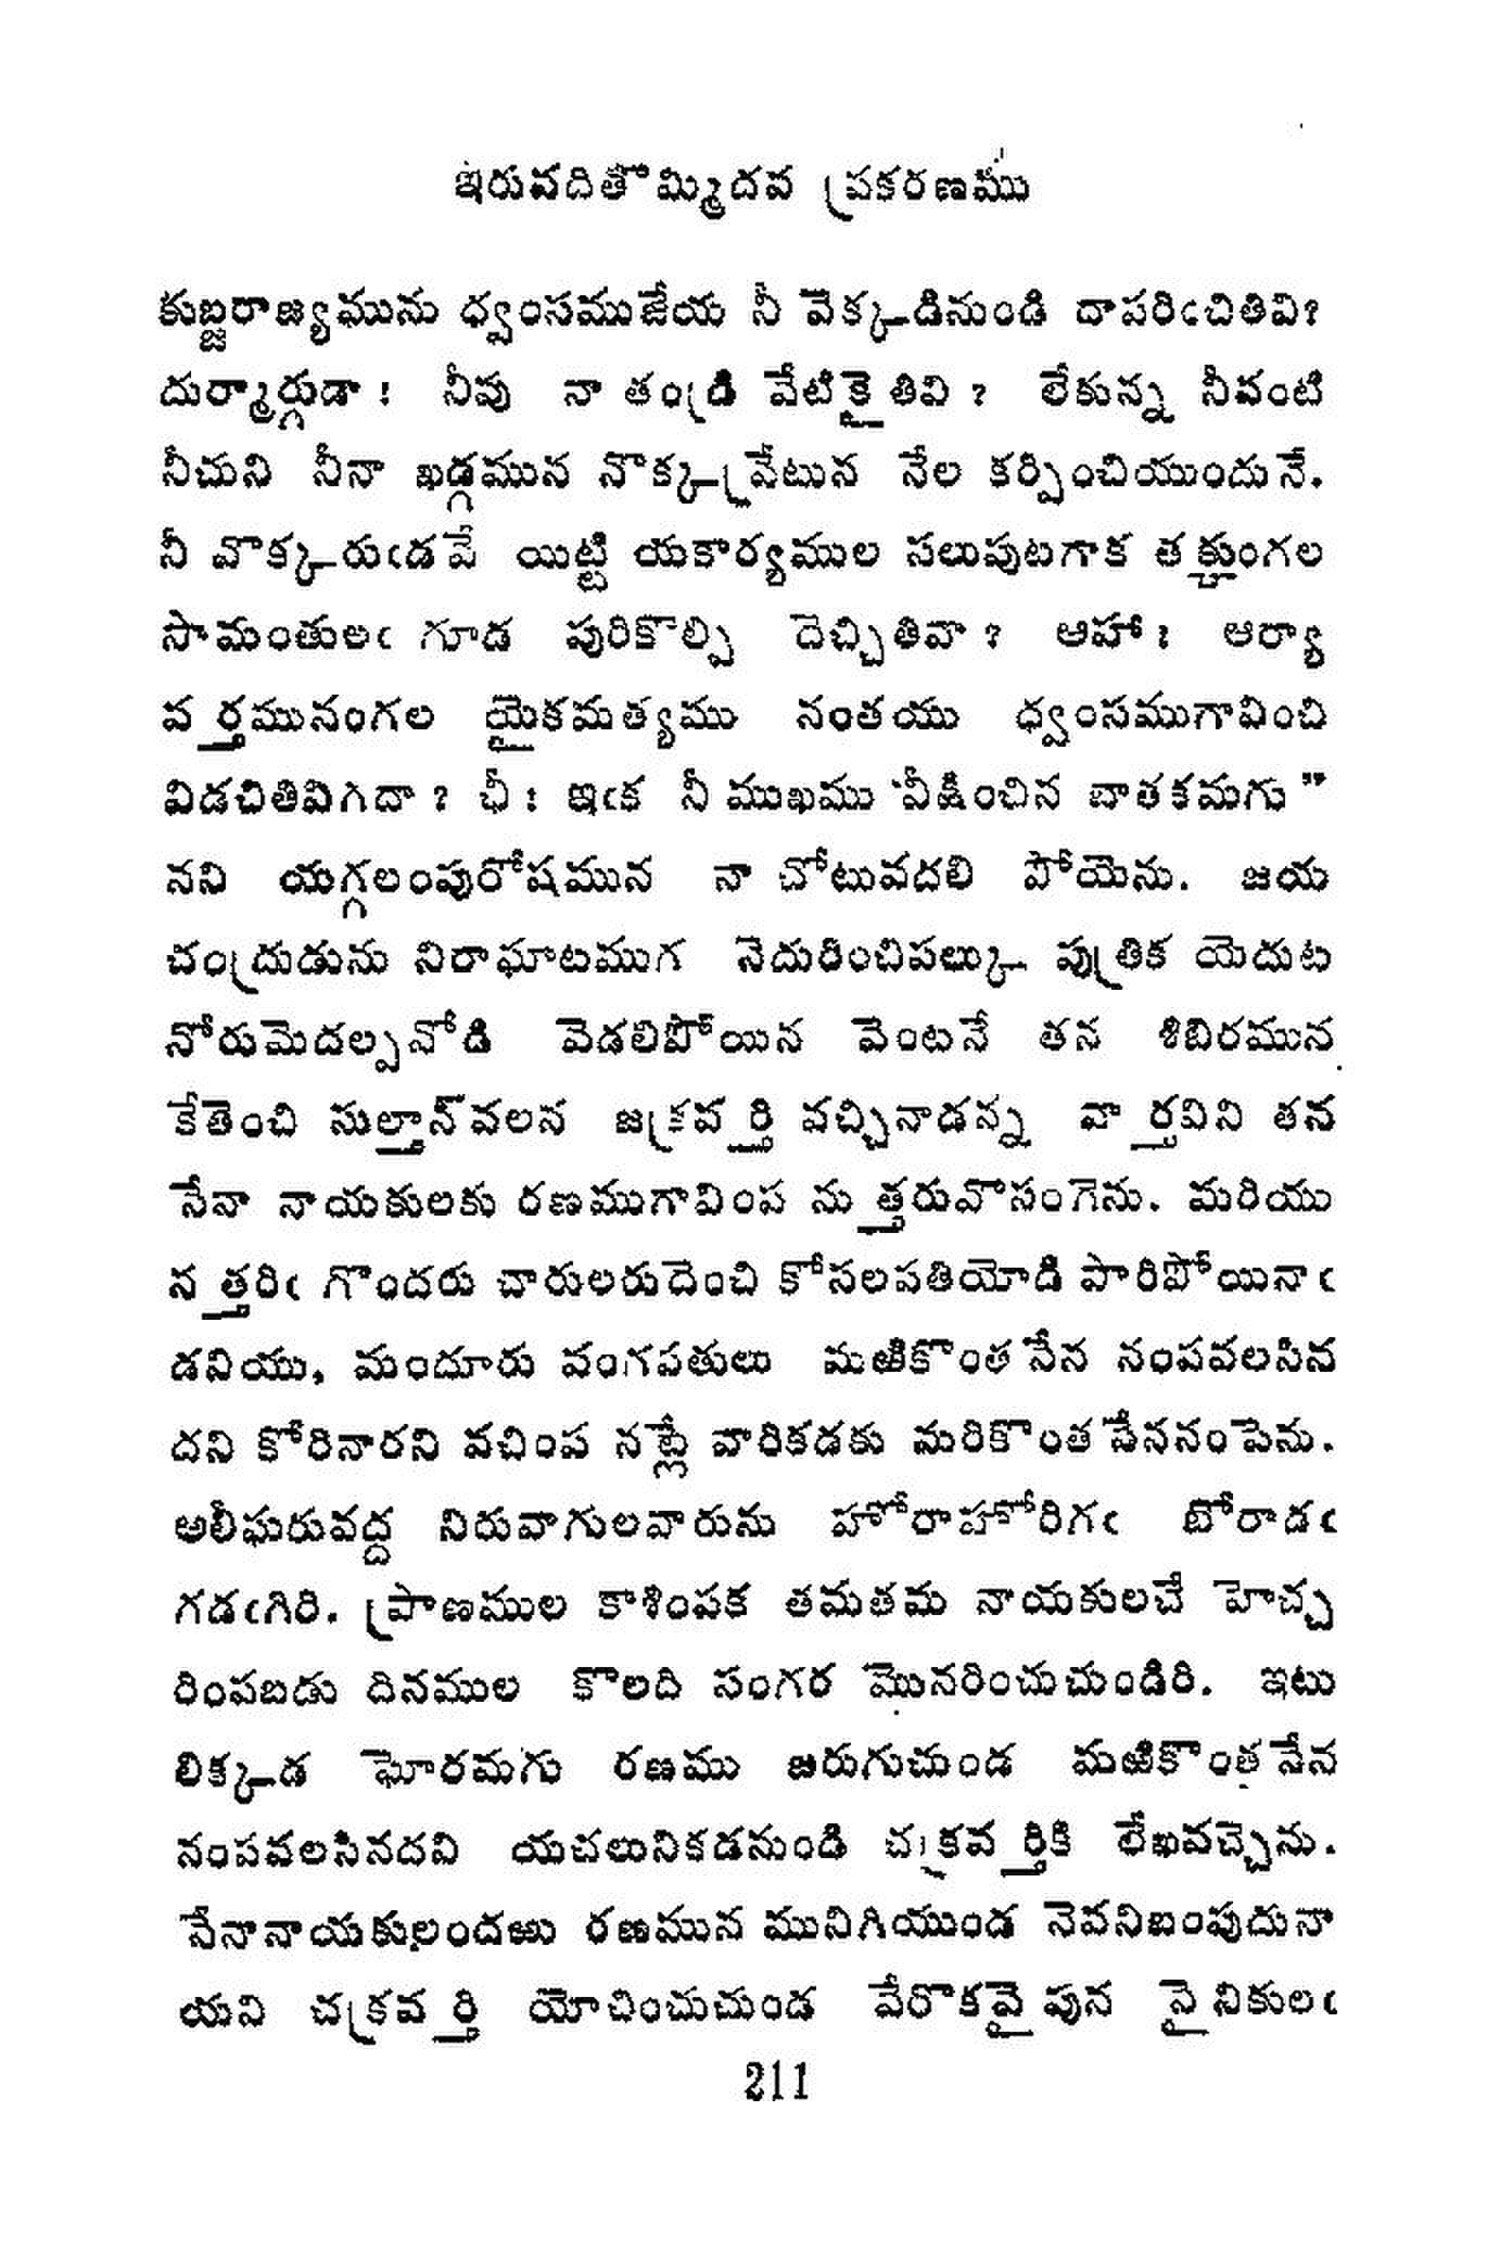కుబ్జరాజ్యమును ధ్వంసముజేయ నీ వెక్కడినుండి దాపరించితివి? దుర్మార్గుడా ! నీవు నా తండ్రి వేటికైతివి ? లేకున్న నీవంటి నీచుని నీనా ఖడ్గమున నొక్క వ్రేటున నేల కర్పించియుందునే. నీ వొక్కరుఁడవే యిట్టి యకార్యముల సలుపుటగాక తక్కుంగల సామంతులఁ గూడ పురికొల్పి దెచ్చితివా? ఆహా! ఆర్యావర్తమునంగల యైకమత్యము నంతయు ధ్వంసముగావించి విడచితిగదా? చీ ! ఇఁక నీ ముఖము 'వీక్షించిన బాతకమగు" నని యగ్గలంపురోషమున నా చోటువదలి పోయెను. జయచంద్రుడును నిరాఘాటముగ నెదురించిపల్కు పుత్రిక యెదుట నోరుమెదల్పనోడి వెడలిపోయిన వెంటనే తన శిబిరమున కేతెంచి సుల్తాన్‌వలన జక్రవర్తి వచ్చినాడన్న వార్తవిని తన సేనా నాయకులకు రణముగావింప నుత్తరువొసంగెను. మరియు నత్తరిఁ గొందరు చారులరుదెంచి కోసలపతియోడి పారిపోయినాఁ డనియు, మందూరు వంగపతులు మఱికొంతసేన సంపవలసిన దని కోరినారని వచింప నట్లే వారికడకు మరికొంతసేననంపెను. అలీఘరువద్ద నిరువాగులవారును హోరాహోరిగఁ బోరాడఁ గడఁగిరి. ప్రాణముల కాశింపక తమతమ నాయకులచే హెచ్చరింపబడు దినముల కొలది సంగర మొనరించుచుండిరి. ఇటు లిక్కడ ఘోరమగు రణము జరుగుచుండ మఱికొంతసేన నంపవలసినదవి యచలునికడనుండి చక్రవర్తికి లేఖవచ్చెను. సేనానాయకులందఱు రణమున మునిగియుండ నెవనిబంపుదునా యని చక్రవర్తి యోచించుచుండ వేరొకవైపున సైనికులఁ